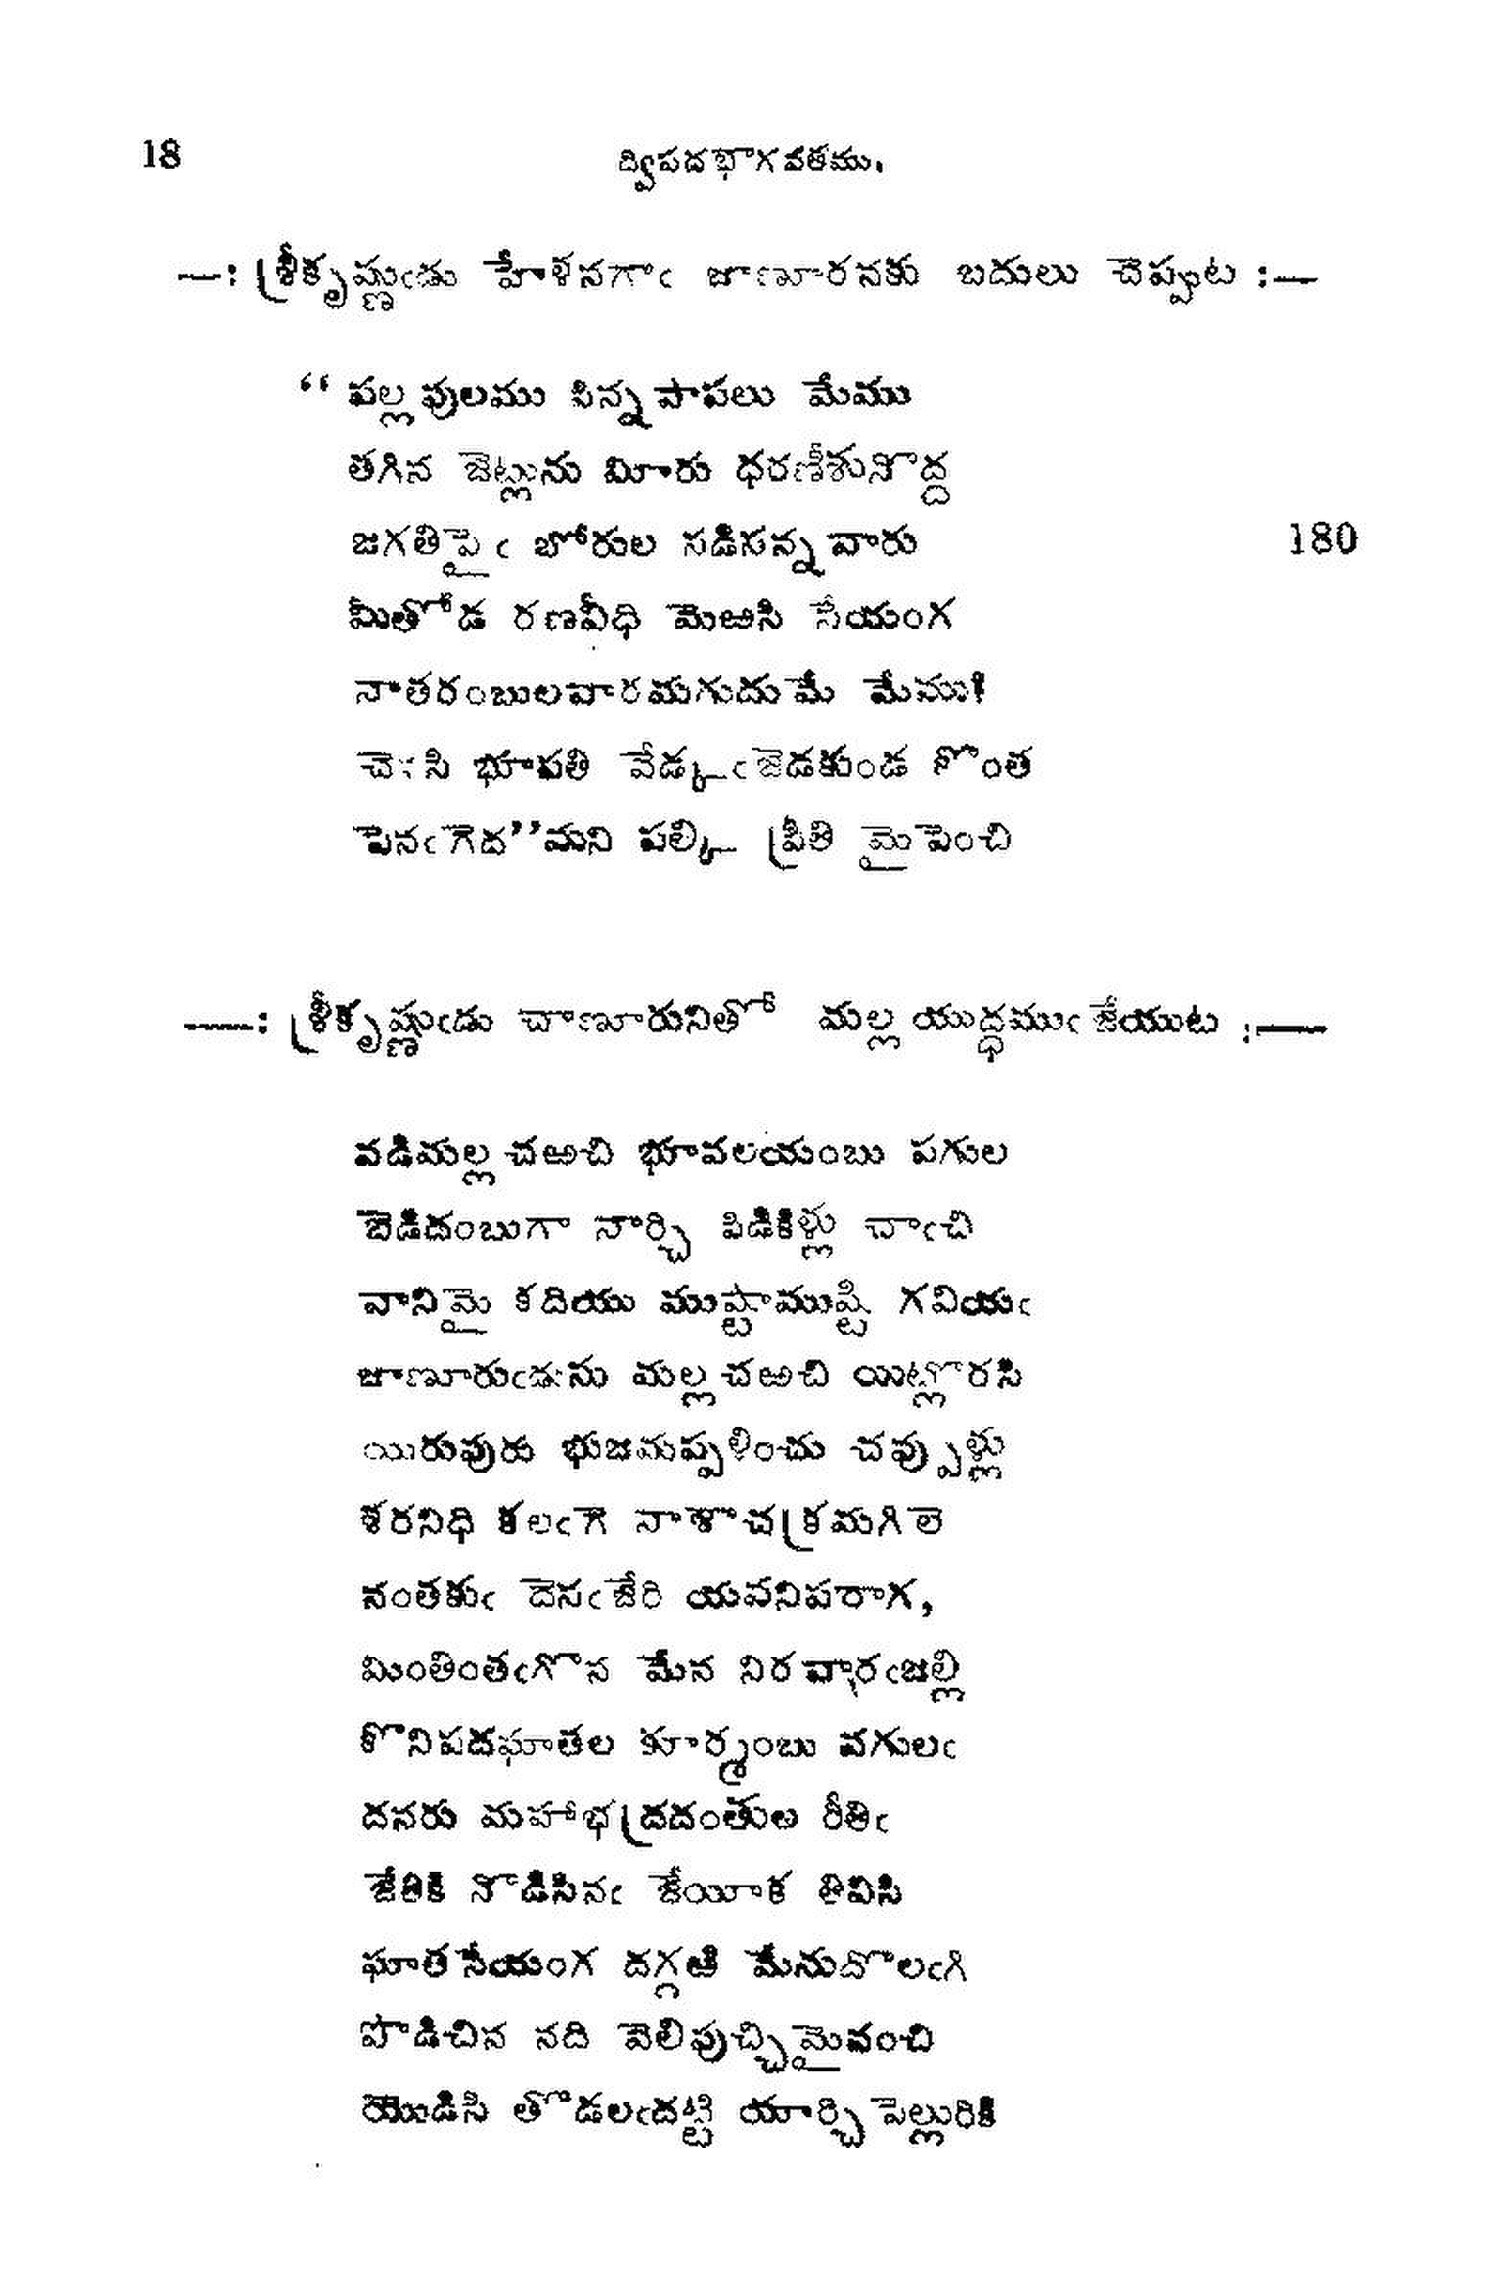"పల్లవులము పిన్నపాపలు మేము
తగిన జెట్లును మీరు ధరణీశునొద్ద
జగతిపైఁ బోరుల సడిసన్నవారు
మీతోడ రణవీథి మెఱసి సేయంగ
నాతరంబులవార మగుదుమే మేము?
చెనసి భూపతి వేడ్కఁ జెడకుండ కొంత
పెనఁగెద”మని పల్కి ప్రీతి మై పెంచి

వడిమల్ల చఱచి భూవలయంబు పగుల
బెడిదంబుగా నార్చి పిడికిళ్లు చాఁచి
వానిమై కదియు ముష్టాముష్టి గవియఁ
జూణూరుఁడును మల్ల చఱచి యిట్లొరసి
యిరువురు భుజ మప్పళించు చప్పుళ్లు
శరనిధి కలఁగె నాశాచక్ర మగిలె
నంతకుఁ దెసఁజేరి యవనిపరాగ,
మింతింతఁగొన మేన నిరవారఁజల్లి
కొనిపదఘాతల కూర్మంబు వగులఁ
దనరు మహాభద్రదంతుల రీతిఁ
జేతికి నొడిసినఁ జేయీక తివిసి
ఘాతసేయంగ దగ్గఱి మేను దొలఁగి
పొడిచిన నది వెలిపుచ్చి మైవంచి
యొడిసి తొడలఁ దట్టి యార్చి పెల్లురికి